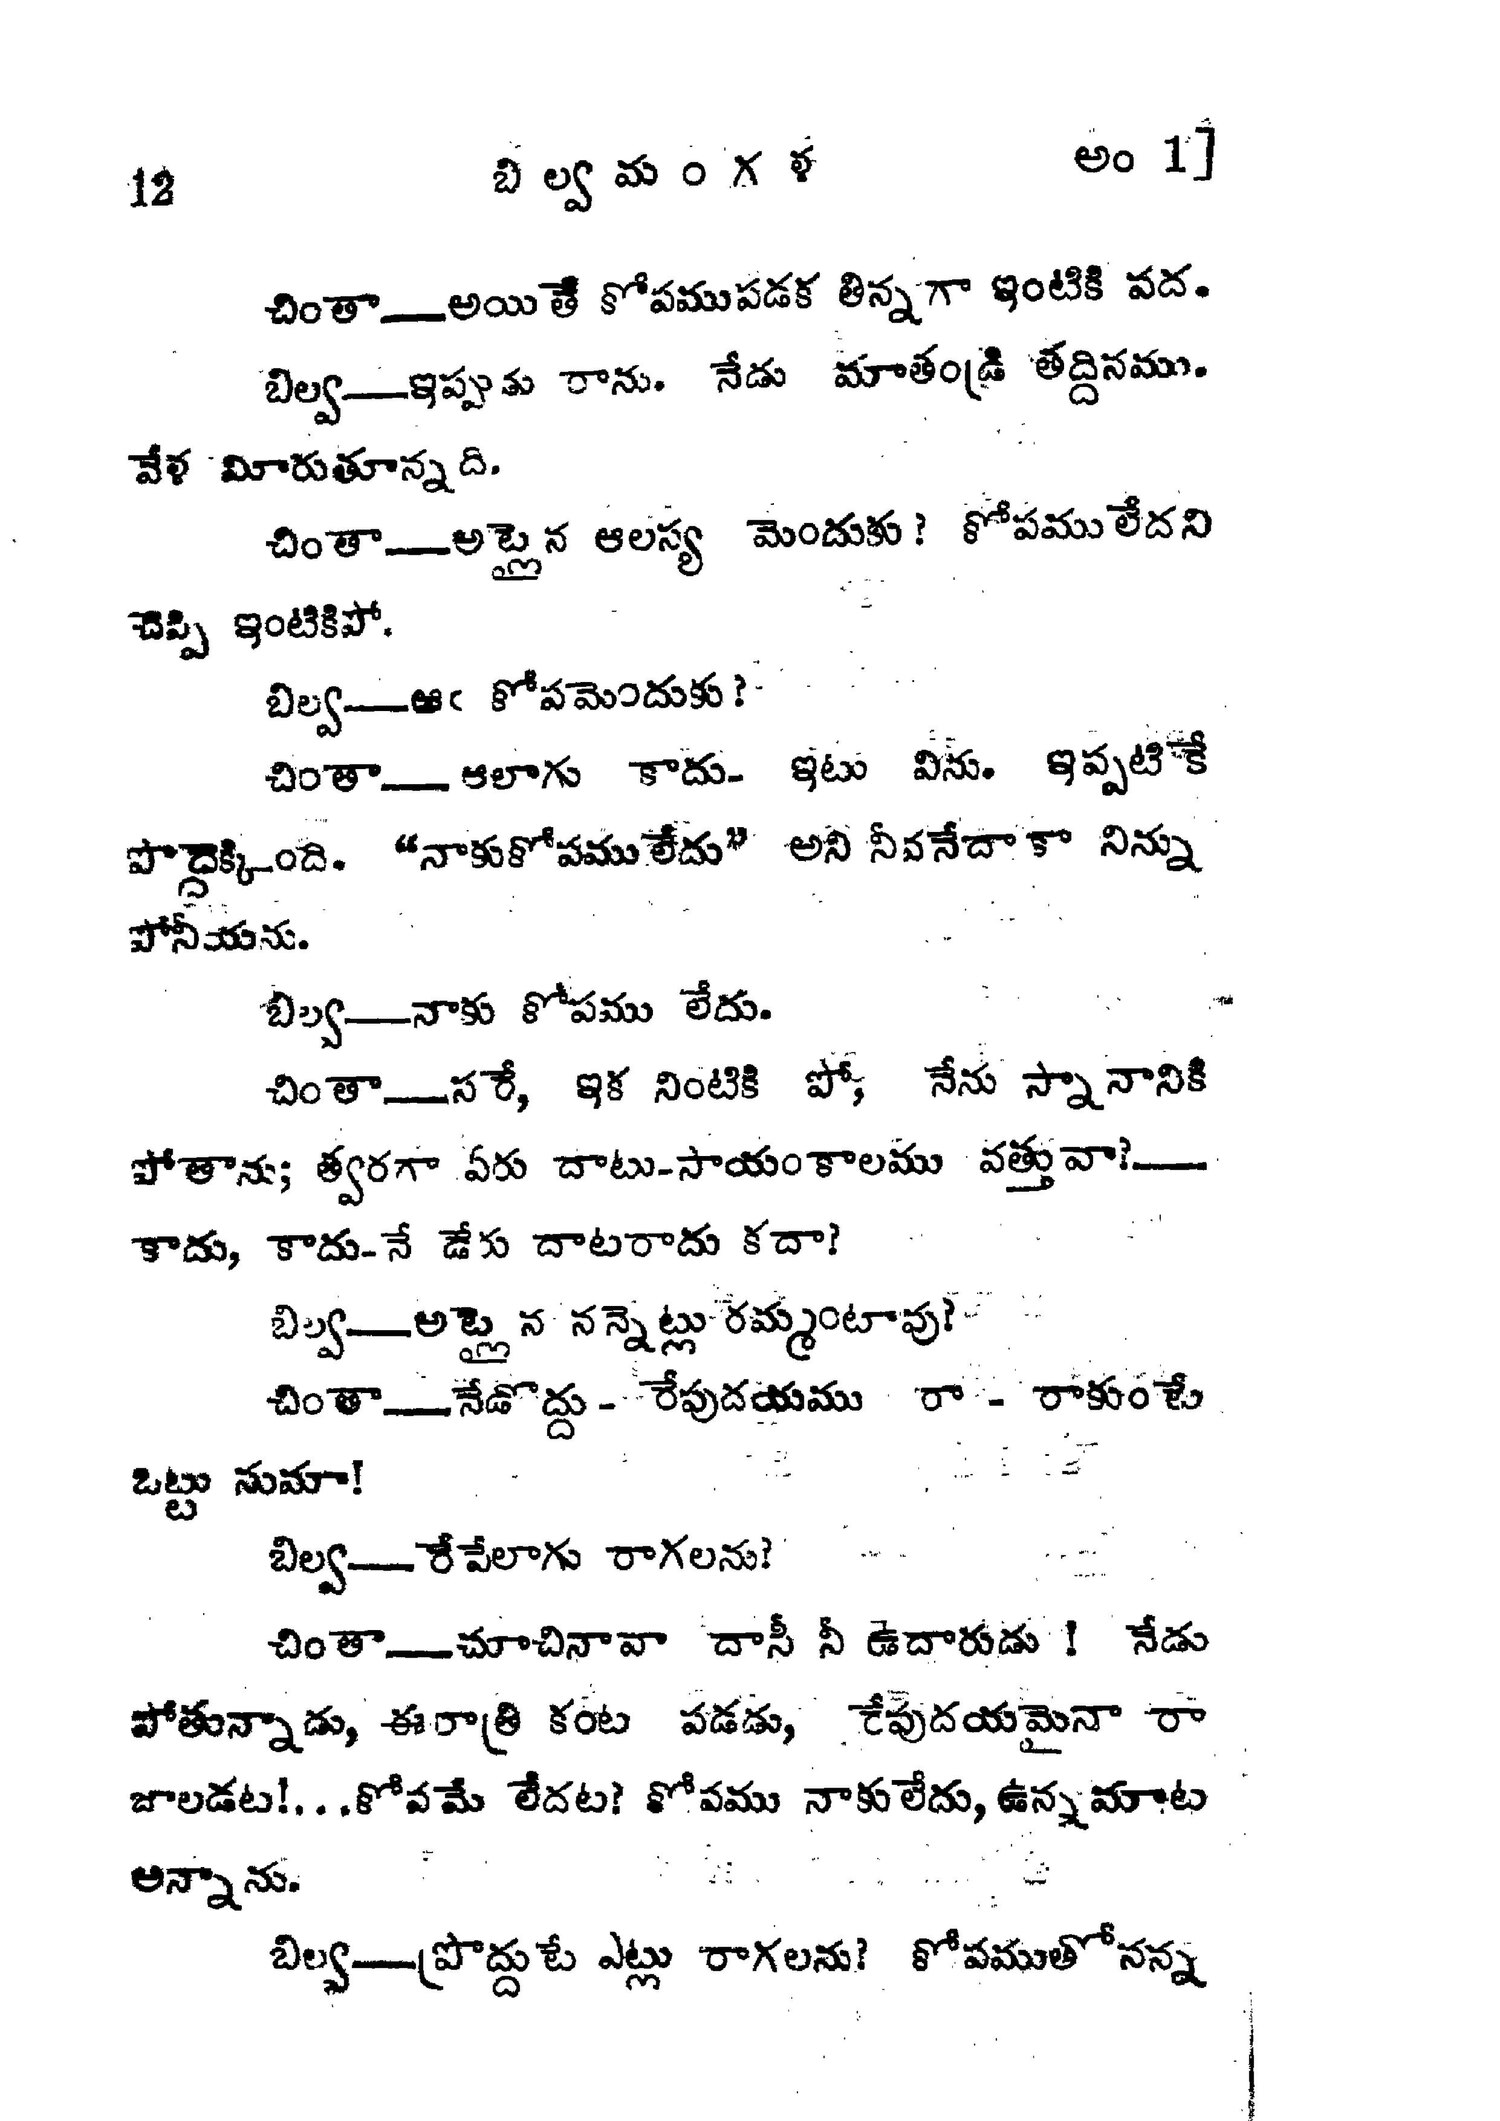చింతా - అయితే కోపముపడక తిన్నగా ఇంటికి పద.

బిల్వ - ఇప్పుడు రాను. నేడు మాతండ్రి తద్దినము. వేళ మీరుతున్నది.

చింతా - అట్లైన ఆలస్య మెందుకు? కోపములేదని చెప్పి ఇంటికిపో.

బిల్వ - ఆఁ కోపమెందుకు?

చింతా - ఆలాగు కాదు. ఇటు విను. ఇప్పటికే పొద్దెక్కింది. "నాకుకోపము లేదు" అని నీవనేదాకా నిన్ను పోనీయను.

బిల్వ - నాకు కోపము లేదు.

చింతా - సరే, ఇక నింటికి పో; నేను స్నానానికి పోతాను; త్వరగా ఏరు దాటు - సాయంకాలము వత్తువా? - కాదు, కాదు - నే డేరు దాటరాదు కదా?

బిల్వ - అట్లైన నన్నెట్లు రమ్మంటావు?

చింతా - నేడొద్దు - రేపుదయము రా - రాకుంటే ఒట్టు సుమా!

బిల్వ - రేపేలాగు రాగలను?

చింతా - చూచినావా దాసీ నీ ఉదారుడు ! నేడు పోతున్నాడు, ఈరాత్రి కంట పడడు, రేపుదయమైనా రా జాలడట! .. కోపమే లేదట? కోపము నాకులేదు, ఉన్నమాట అన్నాను.

బిల్వ - ప్రొద్దుటే ఎట్లు రాగలను? కోపముతోనన్న